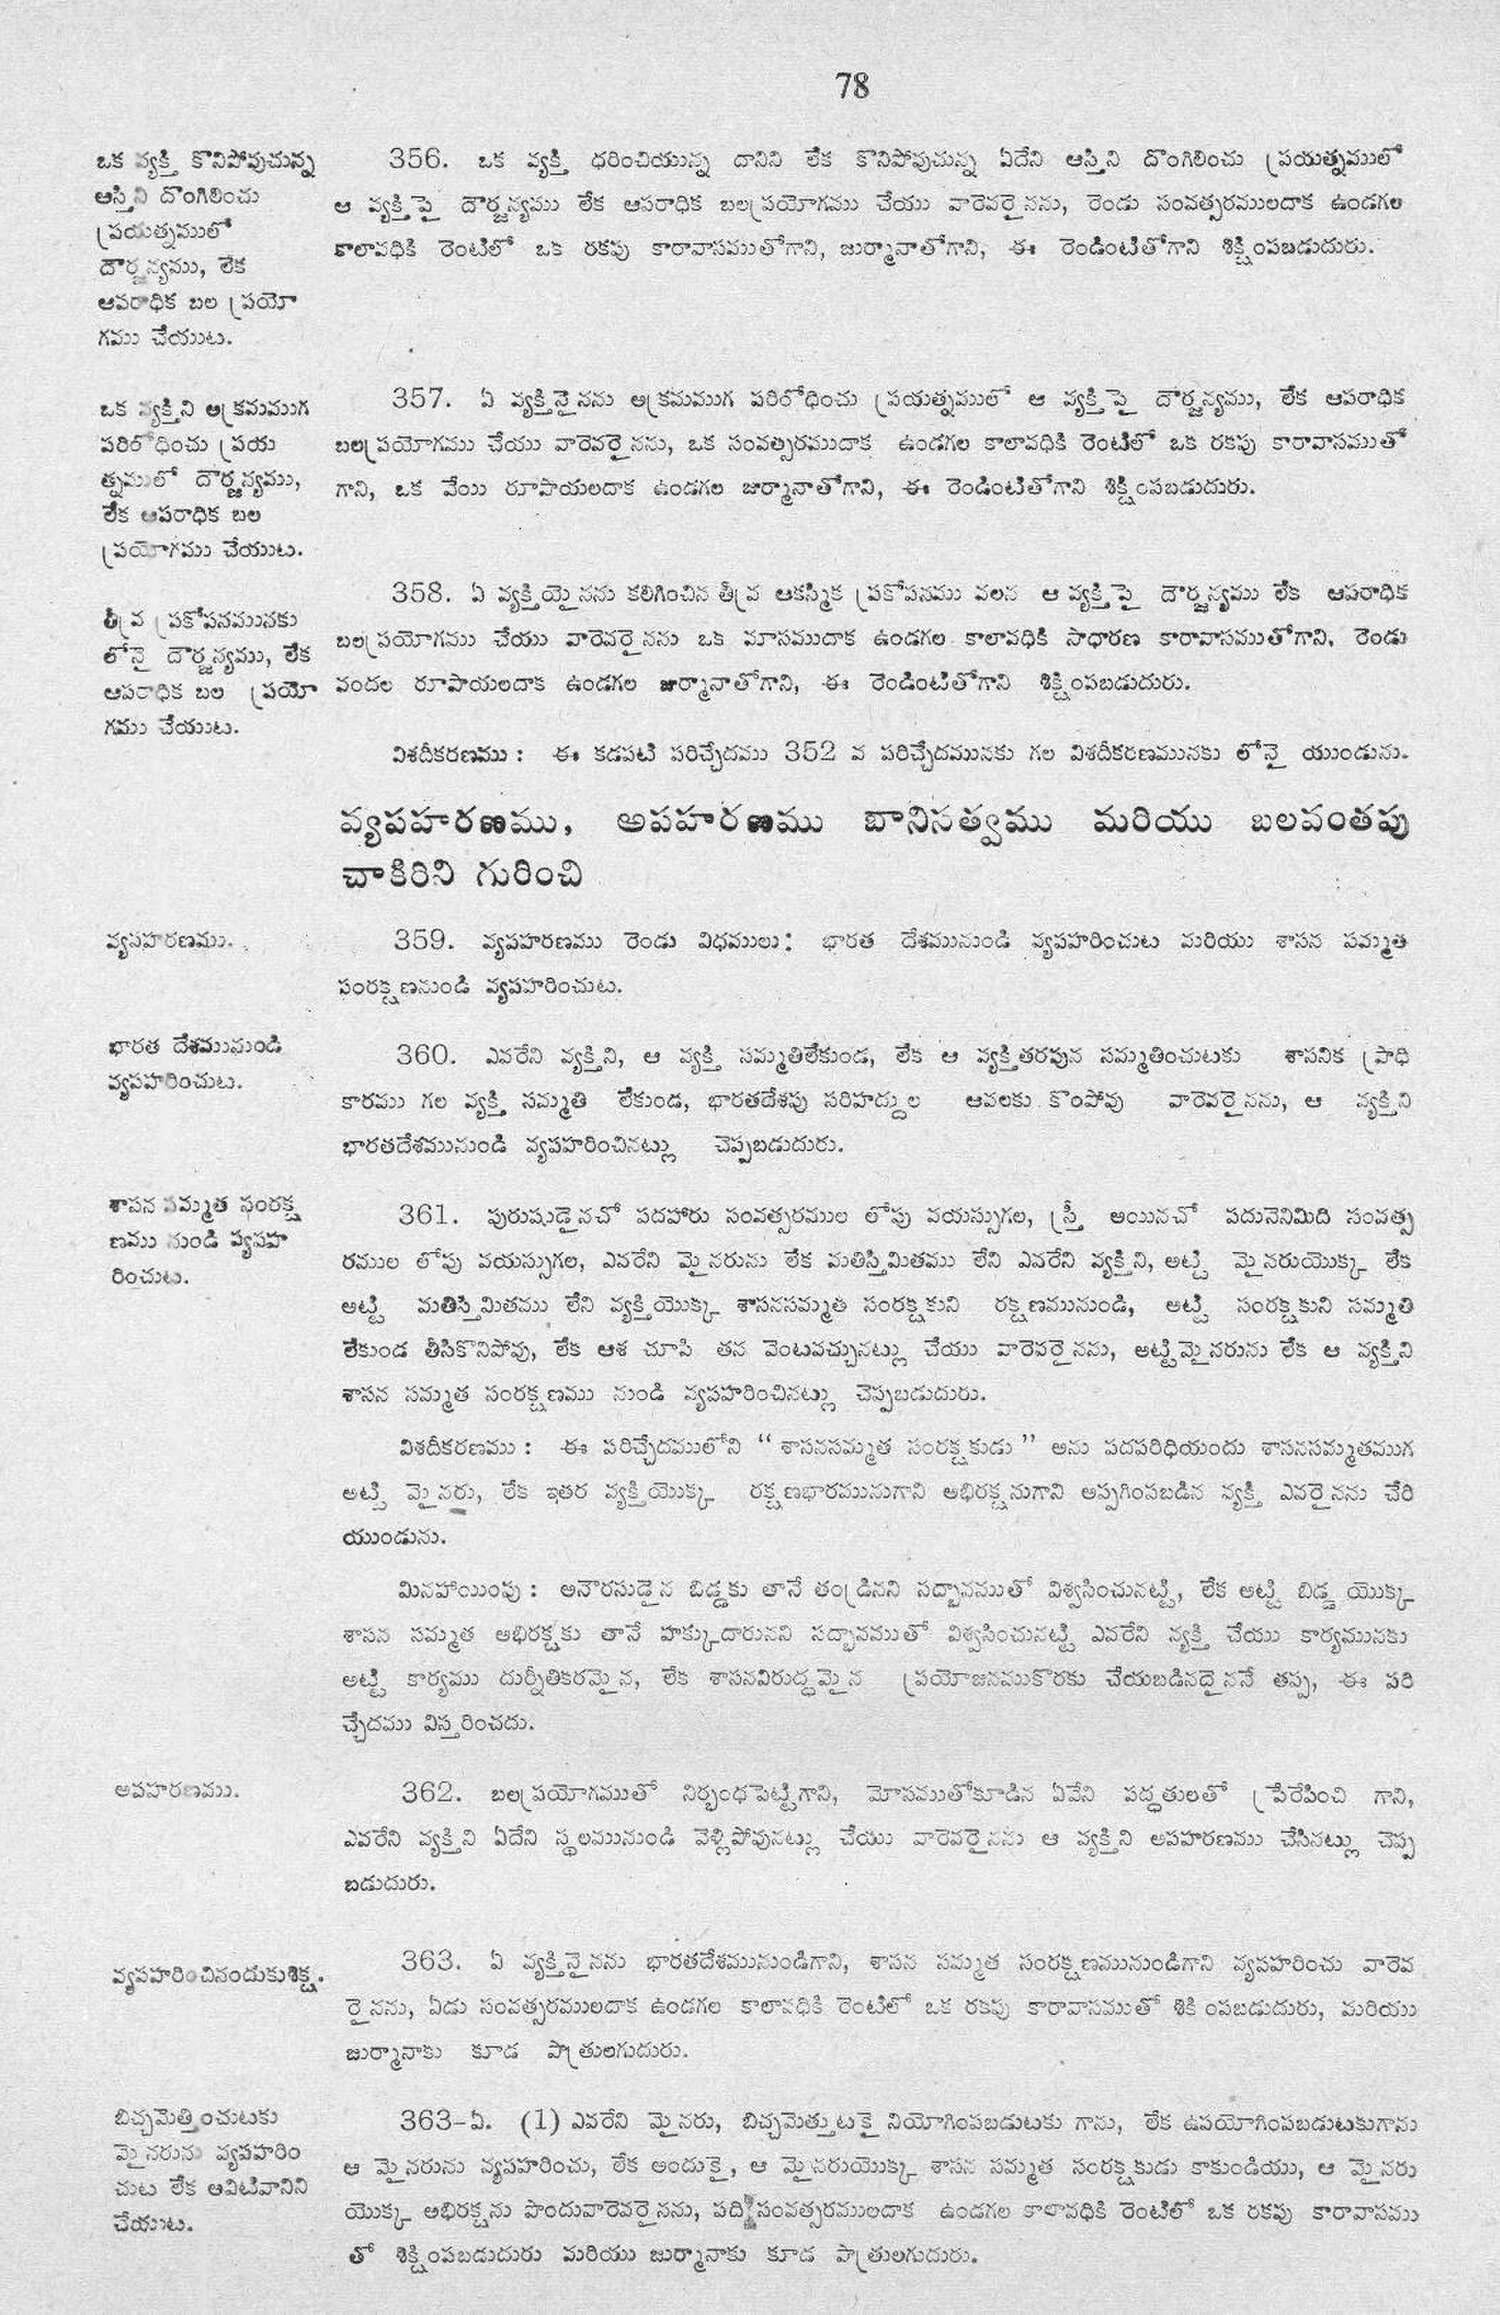ఒక వ్యక్తి కొనిపోవుచున్న ఆస్తిని దొంగిలించు ప్రయత్నములో దౌర్జన్యము, లేక ఆపరాధిక బల ప్రయోగము చేయుట.

356. ఒక వ్యక్తి ధరించియున్న దానిని లేక కొనిపోవుచున్న ఏదేని ఆస్తిని దొంగిలించు ప్రయత్నములో ఆ వ్యక్తి పై దౌర్జన్యము లేక ఆపరాధిక బల ప్రయోగము చేయు వారెవరైనను, రెండు సంవత్సరములదాక ఉండగల కాలావధికి రెంటిలో ఒక రకపు కారావాసములో గాని, జర్మానాలోగాని, ఈ రెండింటితోగాని శిక్షింపబడుదురు.

ఒక వ్యక్తిని అక్రమముగ పరిరోధించు ప్రయత్నములో దౌర్జన్యము, లేక ఆపరాధిక బలప్రయోగము చేయుట.

357. ఏ వ్యక్తి నైనను ఆక్రమముగ పరిరోధించు ప్రయత్నములో ఆ వ్యక్తి పై దౌర్జన్యము, లేక ఆపరాధిక బలప్రయోగము చేయు వారెవరైనను, ఒక సంవత్సరముదాక ఉండగల కాలావధికి రెంటిలో ఒక రకపు కారావాసముతో గాని, ఒక వేయి రూపాయలదాక ఉండగల జర్మానాతోగాని, ఈ రెండింటితోగాని శిక్షింపబడుదురు.

తీవ్ర ప్రకోపనమునకు లోనై దౌర్జన్యము, లేక ఆపరాధిక బల ప్రయోగము చేయుట.

358. ఏ వ్యక్తి యై నను కలిగించిన తీవ్ర ఆకస్మిక ప్రకోపనము వలన ఆ వ్యక్తి పై దౌర్జన్యము లేక ఆపరాధిక బల ప్రయోగము చేయు వారెవరైనను ఒక మాసముదాక ఉండగల కాలావధికి సాధారణ కారావాసముతోగాని, రెండు వందల రూపాయలదాక ఉండగల జూర్మానాతోగాని, ఈ రెండింటిలోగాని శిక్షింపబడుదురు.

విశదీకరణము: ఈ కడపటి పరిచ్చేదము 352 వ పరిచ్చేదమునకు గల విశదీకరణమునకు లోనై యుండును.

వ్యపహరణము.

359. వ్యపహరణము రెండు విధములు : భారత దేశమునుండి వ్యపహరించుట మరియు శాసన సమ్మత సంరక్షణ నుండి వ్యవహరించుట.

భారత దేశము నుండి వ్యవహరించుట.

360. ఎవరేని వ్యక్తిని, ఆ వ్యక్తి సమ్మతి లేకుండ, లేక ఆ వ్యక్తి తరపున సమ్మతించుటకు శాసనిక ప్రాధికారము గల వ్యక్తి సమ్మతి లేకుండ, భారతదేశపు సరిహద్దుల ఆవలకు కొంపోవు వారెవరైనను,ఆ వ్యక్తిని భారతదేశమునుండి వ్యవహరించినట్లు చెప్పబడుదురు.

శాసన సమ్మత సంరక్షణము నుండి వ్యవహరించుట.

361. పురుషుడైనచో పదహారు సంవత్సరముల లోపు వయస్సుగల, స్త్రీ అయినచొ పదునెనిమిది సంవత్సరముల లోపు వయస్సుగల, ఎవరేని మైనరును లేక మతిస్తిమితము లేని ఎవరేని వ్యక్తి ని, అట్టి మైనరు యొక్క లేక అట్టి మతిస్తి మితము లేని వ్యక్తి యొక్క శాసనసమ్మత సంరక్షకుని రక్షణమునుండి, అట్టి సంరక్షకుని సమ్మతి లేకుండ తీసికొనిపోవు, లేక ఆశ చూపి తన వెంటవచ్చునట్లు చేయు వారెవరైనను, అట్టిమై నరును లేక ఆ వ్యక్తిని శాసన సమ్మత సంరక్షణము నుండి వ్యవహరించినట్లు చెప్పబడుదురు.

విశదీకరణము: ఈ పరిచ్చేదములోని “ శాసనసమ్మత సంరక్షకుడు ' అను పదపరిధియందు శాసనసమ్మతముగ అట్టి మైనరు, లేక ఇతర వ్యక్తి యొక్క రక్షణభారమునుగాని అభిరక్ష నుగాని అప్పగింపబడిన వ్యక్తి ఎవరైనను చేరియుండును.

మినహాయింపు : అనౌరసుడైన బిడ్డకు తానే తండ్రినని సద్భానముతో విశ్వసించునట్టి , లేక అట్టి బిడ్డ యొక్క శాసన సమ్మత అభిరక్షకు తానే హక్కుదారునని సద్భావముతో విశ్వసించునట్టి ఎవరేని వ్యక్తి చేయు కార్యమునకు అట్టి కార్యము దుర్నీతికరమైన, లేక శాసనవిరుద్ధమైన ప్రయోజనముకొరకు చేయబడినదైననే తప్ప, ఈ పరిచ్చేదము విస్తరించదు.

అపహరణము.

362. బల ప్రయోగముతో నిర్భంధ పెట్టి గాని, మోసముతో కూడిన ఏవేని పద్ధతులతో ప్రేరేపించి గాని, ఎవరేని వ్యక్తిని ఏదేని స్థలమునుండి వెళ్లి పోవునట్లు చేయు వారెవరైనను ఆ వ్యక్తిని అపహరణము చేసినట్లు చెప్పబడుదురు.

వ్యవహరించినందుకు శిక్ష,

363. ఏ వ్యక్తి నైనను భారతదేశమునుండిగాని, శాసన సమ్మత సంరక్షణమునుండిగాని వ్యవహరించు వారెవరైనను, ఏడు సంవత్సరములదాక ఉండగల కాలావధికి రెంటిలో ఒక రకపు కారావాసముతో శిక్షంపబడుదురు, మరియు జుర్మానాకు కూడ పాత్రులగుదురు.

బిచ్చమెత్తించుటకు మైనరును వ్యవహరించుట లేక ఆవిటివానిని చేయుట.

363-ఏ. (1) ఎవరేని మైనరు, బిచ్చమెత్తుటకై నియోగింపబడుటకు గాను, లేక ఉపయోగింపబడుటకుగాను ఆ మైనరును వ్యవహరించు, లేక అందుకై , ఆ మైనరుయొక్క శాసన సమ్మత సంరక్షకుడు కాకుండియు, ఆ మైనరు యొక్క అభిరక్షను పొందువారెవరైనను, పది సంవత్సరములదాక ఉండగల కాలావధికి రెంటిలో ఒక రకపు కారావాసముతో శిక్షింపబడుదురు మరియు జుర్మానాకు కూడ పాత్రులగుదురు,